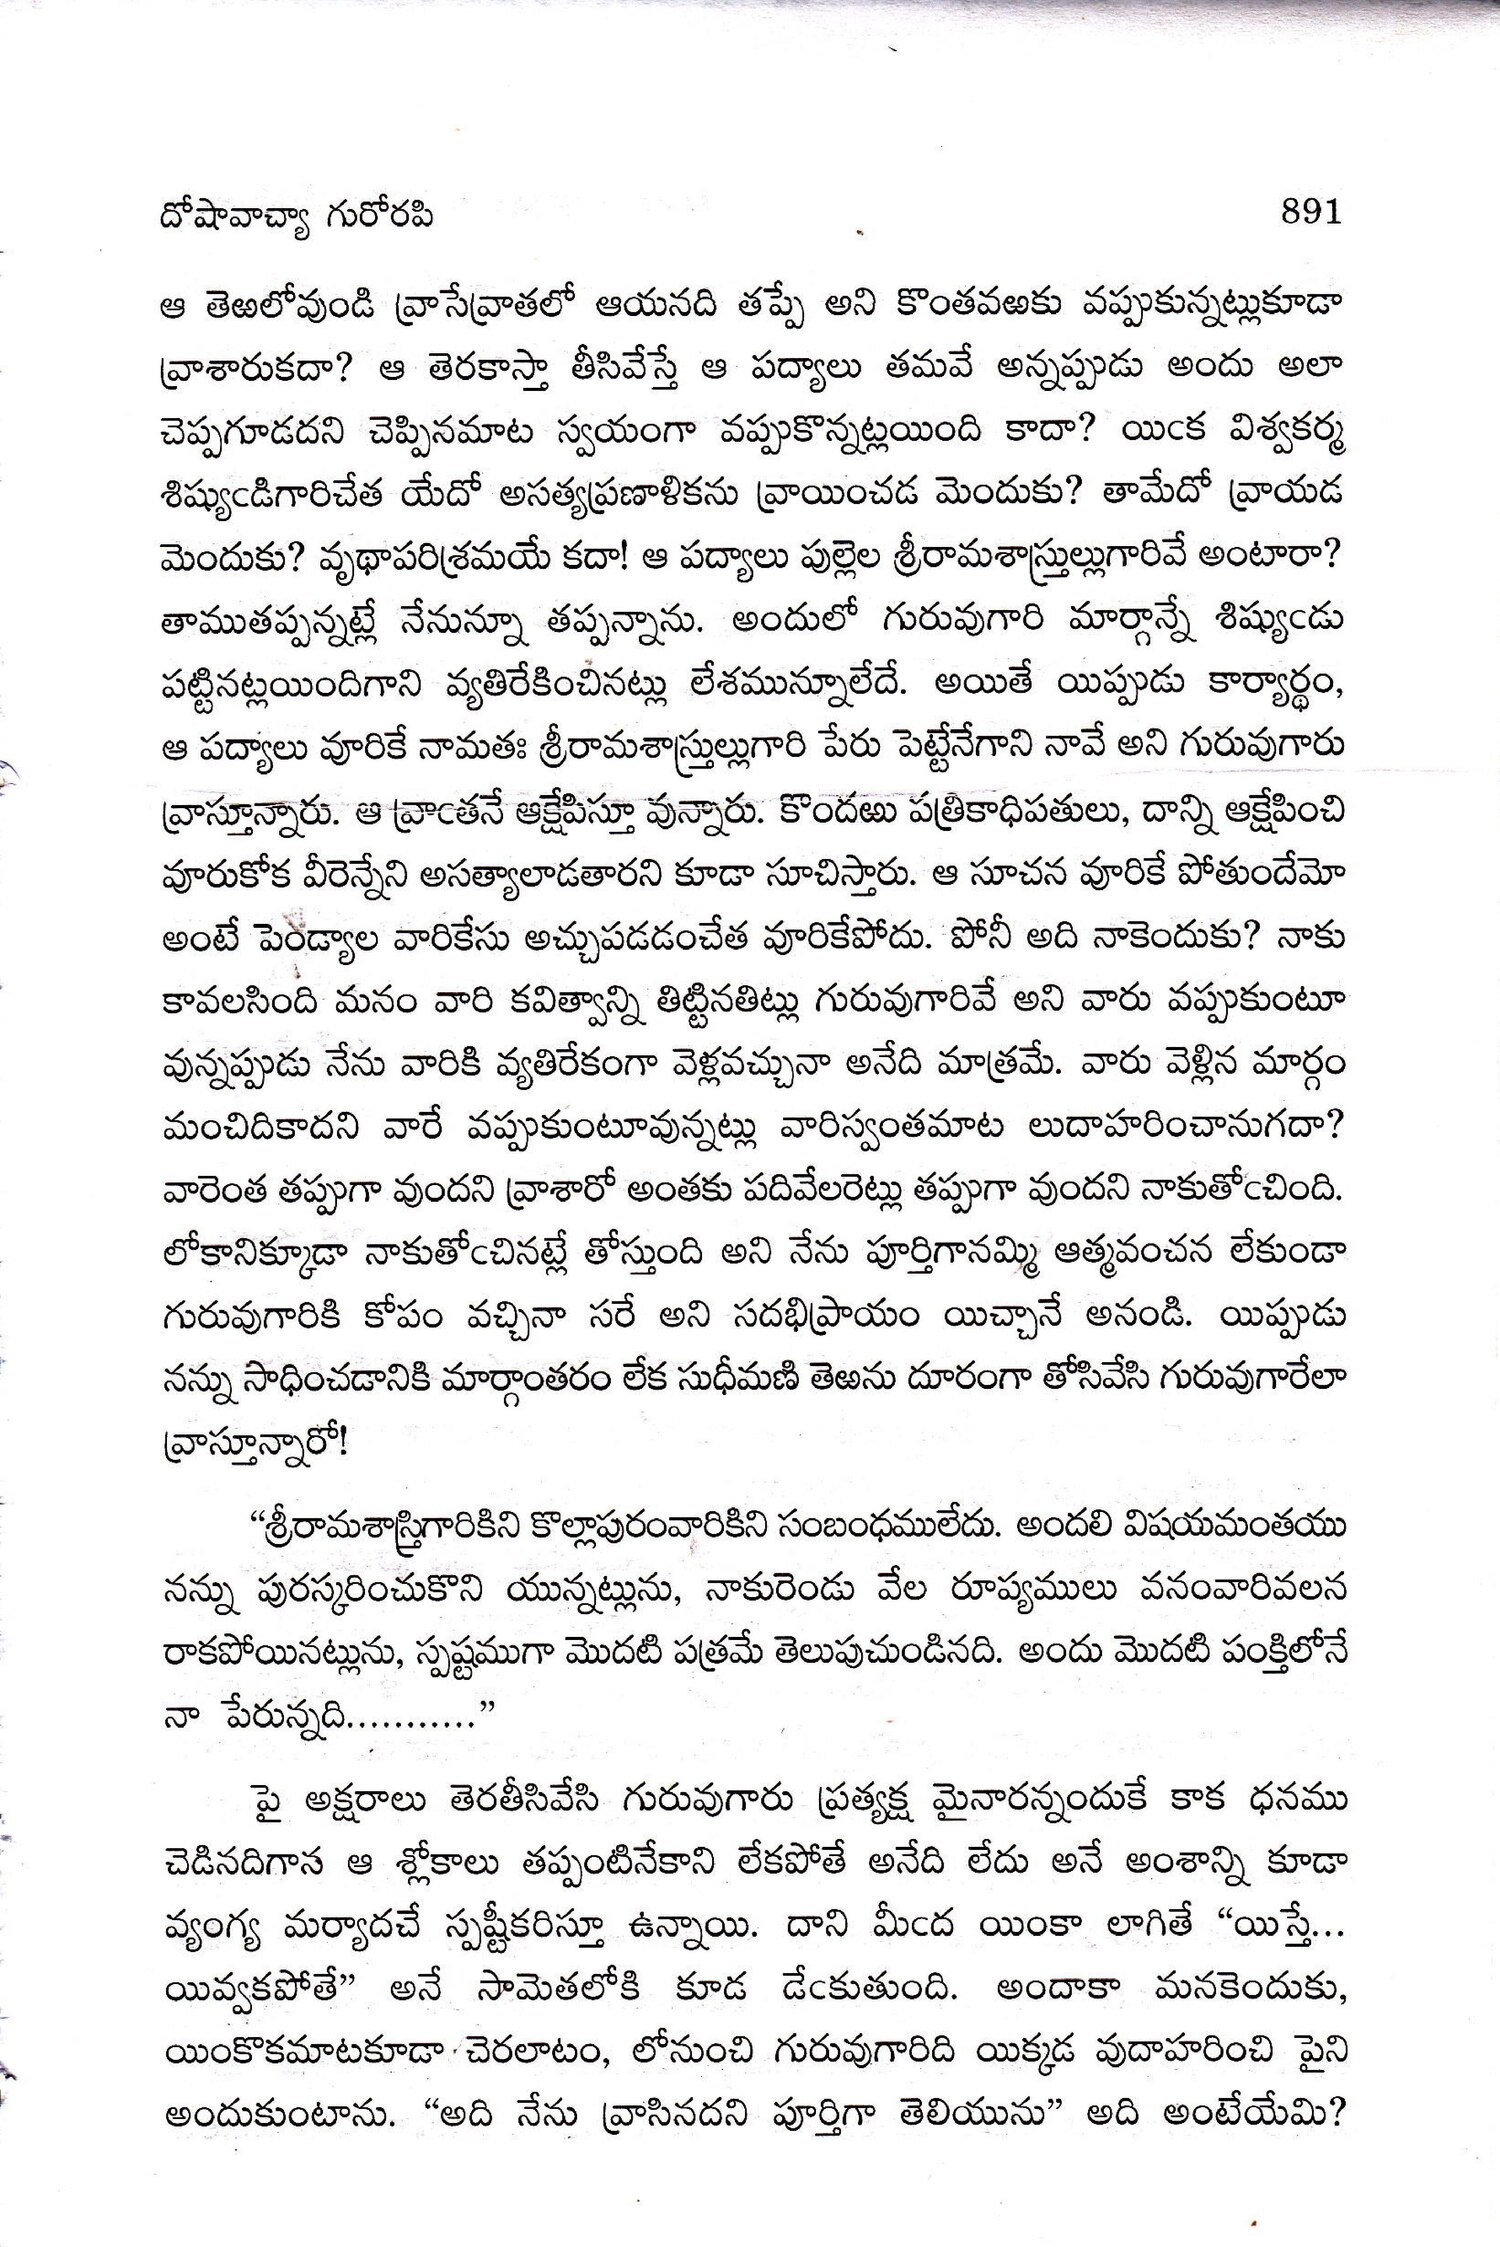ఆ తెఱలోవుండి వ్రాసేవ్రాతలో ఆయనది తప్పే అని కొంతవఱకు వప్పుకున్నట్లుకూడా వ్రాశారుకదా? ఆ తెరకాస్తా తీసివేస్తే ఆ పద్యాలు తమవే అన్నప్పుడు అందు అలా చెప్పగూడదని చెప్పినమాట స్వయంగా వప్పుకొన్నట్లయింది కాదా? యిఁక విశ్వకర్మ శిష్యుఁడిగారిచేత యేదో అసత్యప్రణాళికను వ్రాయించడ మెందుకు? తామేదో వ్రాయడ మెందుకు? వృథాపరిశ్రమయే కదా! ఆ పద్యాలు పుల్లెల శ్రీరామశాస్త్రుల్లగారివే అంటూరా ? తాము తప్పన్నట్లే నేనున్నూ తప్పన్నాను. అందులో గురువుగారి మార్గాన్నే శిష్యుఁడు పట్టినట్లయిందిగాని వ్యతిరేకించినట్లు లేశమున్నూలేదే. అయితే యిప్పుడు కార్యార్థం, ఆ పద్యాలు వూరికే నామతః శ్రీరామశాస్త్రుల్లుగారి పేరు పెట్టేనేగాని నావే అని గురువుగారు వ్రాస్తూన్నారు. ఆ వ్రాఁతనే ఆక్షేపిస్తూ వున్నారు. కొందఱు పత్రికాధిపతులు, దాన్ని ఆక్షేపించి వూరుకోక వీరెన్నేని అసత్యాలాడతారని కూడా సూచిస్తారు. ఆ సూచన వూరికే పోతుందేమో అంటే పెండ్యాల వారికేసు అచ్చుపడడంచేత వూరికేపోదు. పోనీ అది నాకెందుకు? నాకు కావలసింది మనం వారి కవిత్వాన్ని తిట్టినతిట్లు గురువుగారివే అని వారు వప్పుకుంటూ వున్నప్పుడు నేను వారికి వ్యతిరేకంగా వెళ్లవచ్చునా అనేది మాత్రమే. వారు వెళ్లిన మార్గం మంచిదికాదని వారే వప్పుకుంటూవున్నట్లు వారిస్వంతమాట లుదాహరించానుగదా? వారెంత తప్పుగా వుందని వ్రాశారో అంతకు పదివేలరెట్లు తప్పుగా వుందని నాకుతోఁచింది. లోకానిక్కూడా నాకుతోఁచినట్లే తోస్తుంది అని నేను పూర్తిగానమ్మి ఆత్మవంచన లేకుండా గురువుగారికి కోపం వచ్చినా సరే అని సదభిప్రాయం యిచ్చానే అనండి. యిప్పుడు నన్ను సాధించడానికి మార్గాంతరం లేక సుధీమణి తెఱను దూరంగా తోసివేసి గురువుగారేలా వ్రాస్తూన్నారో!

"శ్రీరామశాస్త్రిగారికిని కొల్లాపురంవారికిని సంబంధములేదు. అందలి విషయమంతయు నన్ను పురస్కరించుకొని యున్నట్లును, నాకురెండు వేల రూప్యములు వనంవారివలన రాకపోయినట్లును, స్పష్టముగా మొదటి పత్రమే తెలుపుచుండినది. అందు మొదటి పంక్తిలోనే నా పేరున్నది........... "

పై అక్షరాలు తెరతీసివేసి గురువుగారు ప్రత్యక్ష మైనారన్నందుకే కాక ధనము చెడినదిగాన ఆ శ్లోకాలు తప్పంటినేకాని లేకపోతే అనేది లేదు అనే అంశాన్ని కూడా వ్యంగ్య మర్యాదచే స్పష్టీకరిస్తూ ఉన్నాయి. దాని మీఁద యింకా లాగితే “యిస్తే... యివ్వకపోతే” అనే సామెతలోకి కూడ డేఁకుతుంది. అందాకా మనకెందుకు, యింకొకమాటకూడా చెరలాటం, లోనుంచి గురువుగారిది యిక్కడ వుదాహరించి పైని అందుకుంటాను. “అది నేను వ్రాసినదని పూర్తిగా తెలియును" అది అంటేయేమి?